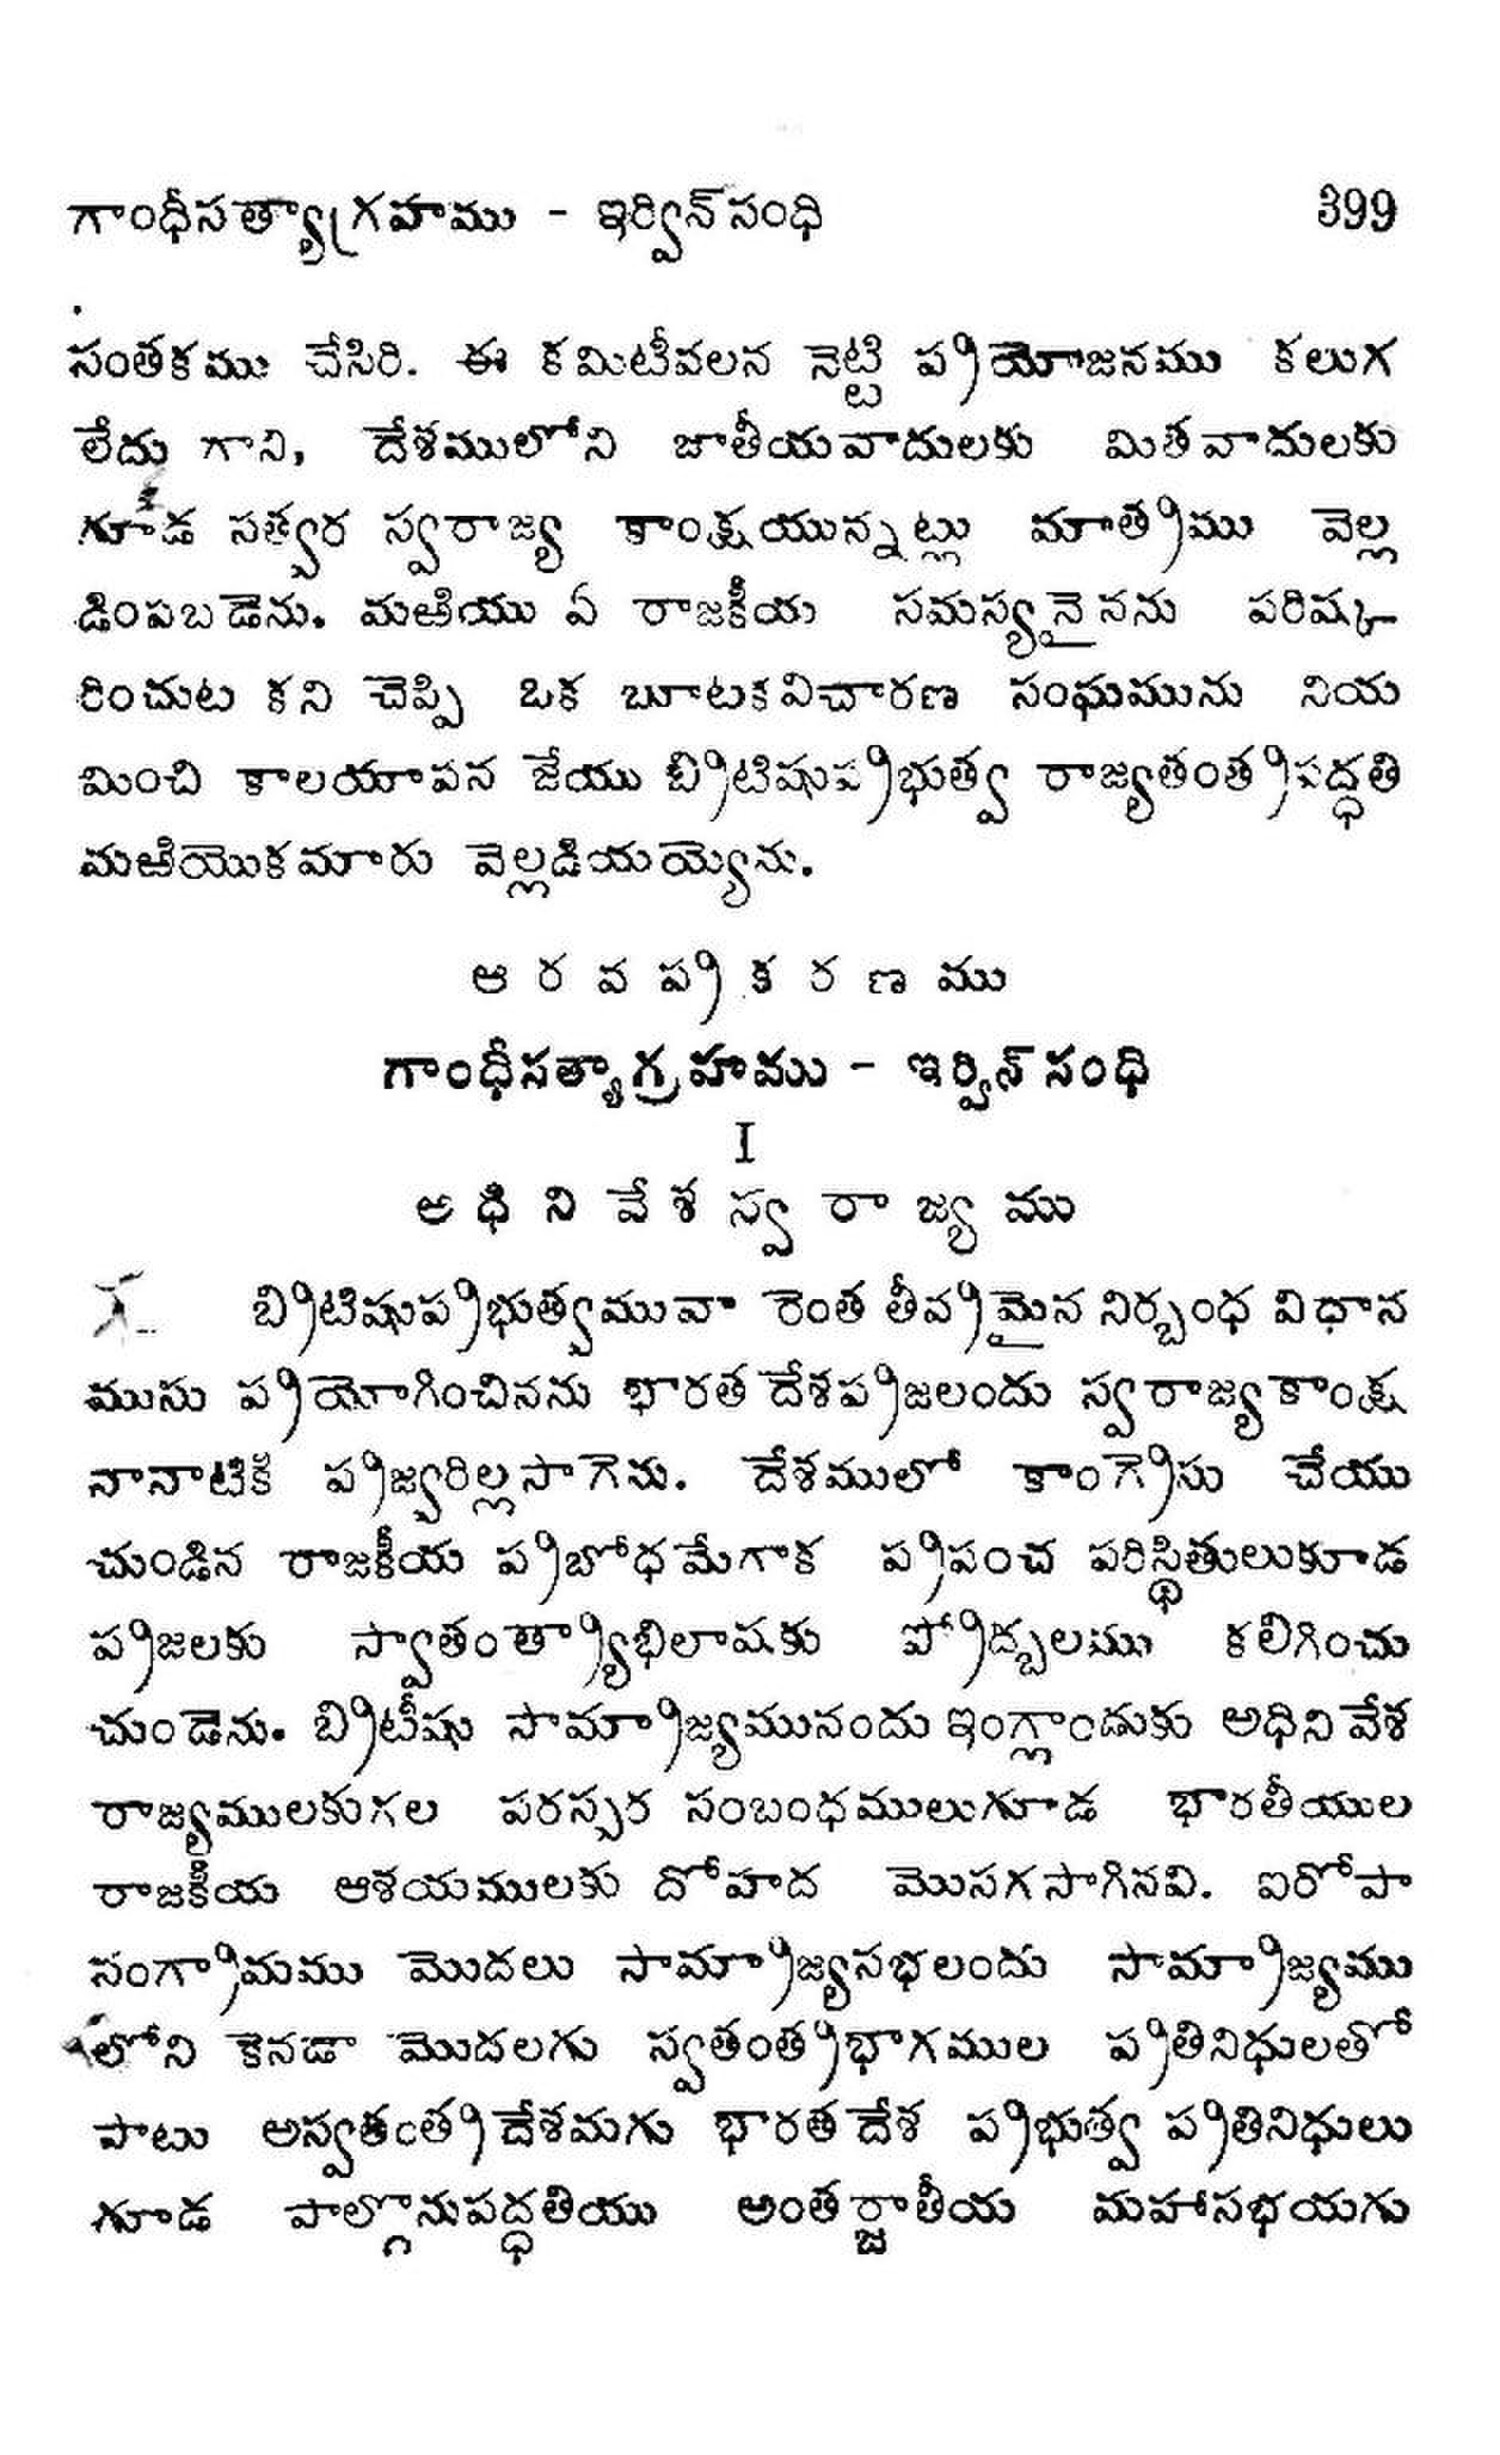సంతకము చేసిరి. ఈ కమిటీవలన నెట్టి ప్రయోజనము కలుగలేదు గాని, దేశములోని జాతీయవాదులకు మితవాదులకు గూడ సత్వర స్వరాజ్య కాంక్షయున్నట్లు మాత్రము వెల్లడింపబడెను. మఱియు ఏ రాజకీయ సమస్యనైనను పరిష్కరించుట కని చెప్పి ఒక బూటకవిచారణ సంఘమును నియమించి కాలయాపన జేయు బ్రిటిషుప్రభుత్వ రాజ్యతంత్రపద్దతి మఱియొకమారు వెల్లడియయ్యెను.

ఆరవ ప్రకరణము 
గాంధీసత్యాగ్రహము - ఇర్విన్ సంధి
I
అధినివేశ స్వరాజ్యము 

బ్రిటిషుప్రభుత్వమువా రెంతతీవ్రమైన నిర్బంధ విధానముసు ప్రయోగించినను భారతదేశప్రజలందు స్వరాజ్యకాంక్ష నానాటికి ప్రజ్వరిల్లసాగెను. దేశములో కాంగ్రెసు చేయుచుండిన రాజకీయ ప్రబోధమేగాక ప్రపంచ పరిస్థితులుకూడ ప్రజలకు స్వాతంత్ర్యాభిలాషకు ప్రోద్బలము కలిగించుచుండెను. బ్రిటీషు సామ్రాజ్యమునందు ఇంగ్లాండుకు అధినివేశ రాజ్యములకుగల పరస్పర సంబంధములుగూడ భారతీయుల రాజకీయ ఆశయములకు దోహద మొసగసాగినవి. ఐరోపా
సంగ్రామము మొదలు సామ్రాజ్యసభలందు సామ్రాజ్యములోని కెనడా మొదలగు స్వతంత్రభాగముల ప్రతినిధులతోపాటు అస్వతంత్రదేశమగు భారతదేశ ప్రభుత్వ ప్రతినిధులు గూడ పాల్గొనుపద్ధతియు అంతర్జాతీయ మహాసభయగు